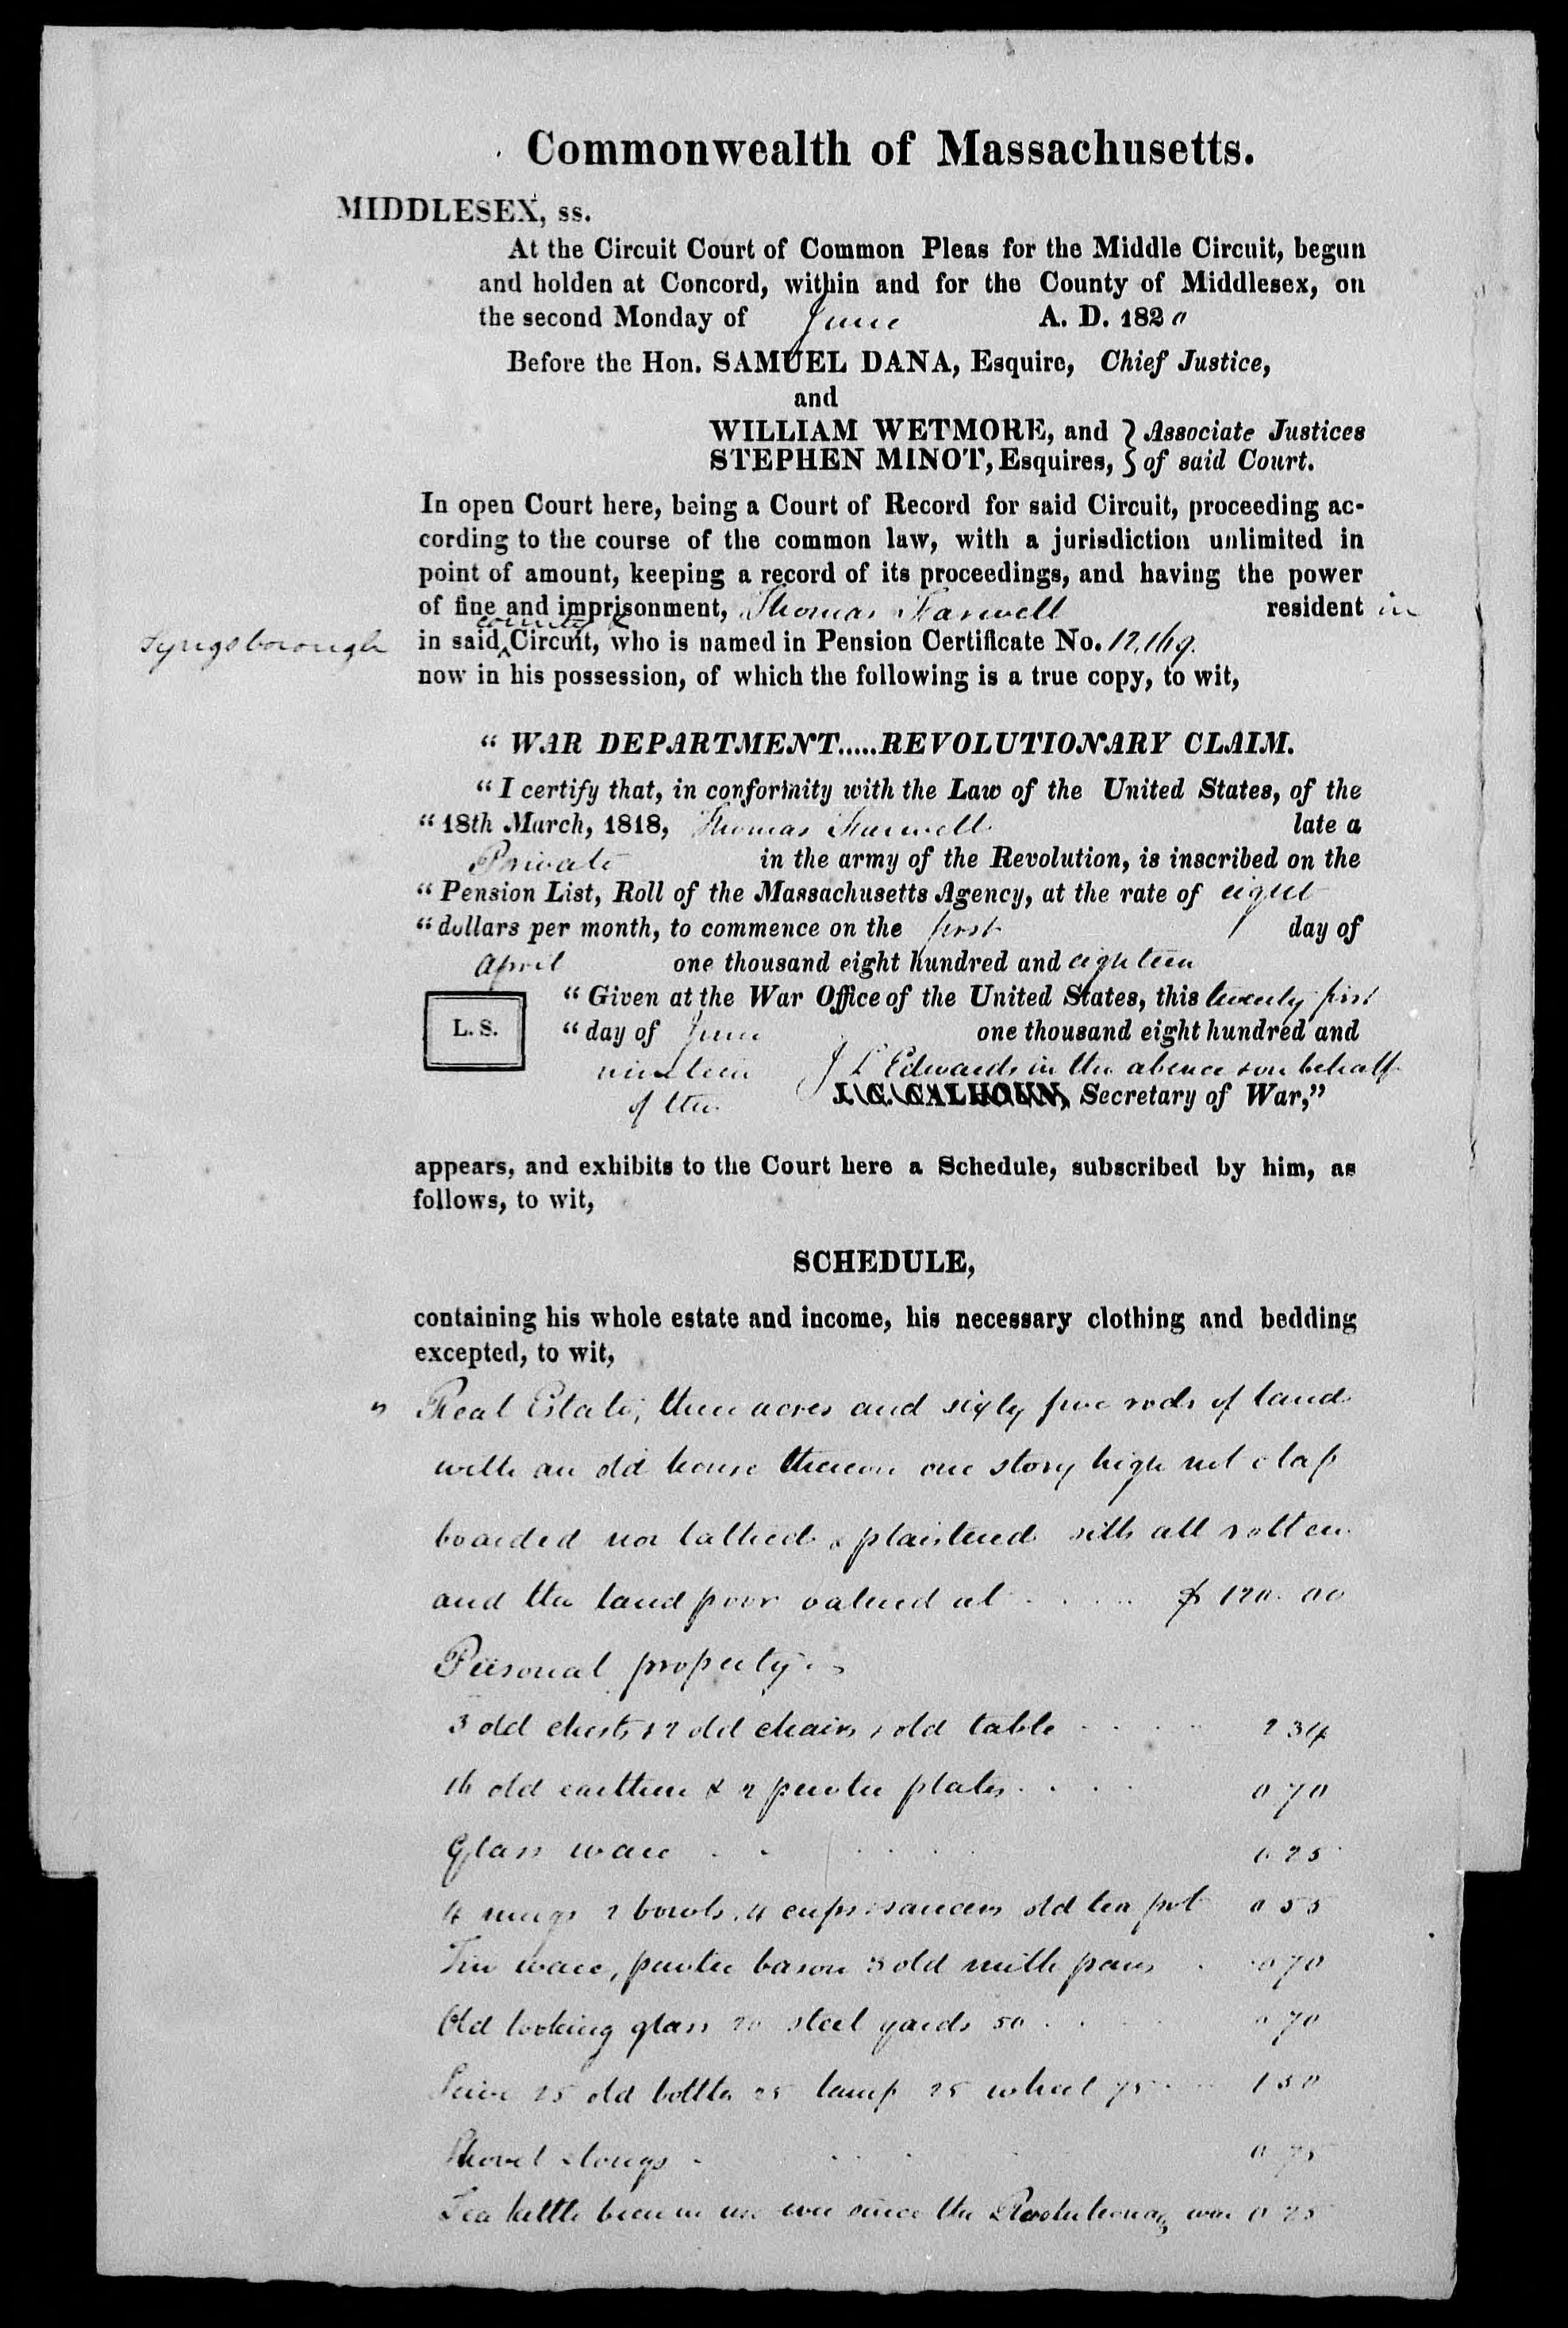Commonwealth of Massachusetts.
MIDDLESEX, ss.
At the Circuit Court of Common Pleas for the Middle Circuit, begun and holden at Concord, within and for the County of Middlesex, on
the second Monday of June A. D. 182
Before the Hon. SAMUEL DANA, Esquire, Chief Justice,
and
WILLIAM WETMORE, and } Associate Justices
STEPHEN MINOT, Esquires,} of said Court.
In open Court here, being a Court of Record for said Circuit, proceeding according to the course of the common law, with a jurisdiction unlimited in point of amount, keeping a record of its proceedings, and having the power of fine and imprisonment, Thomas Farwell
resident in Tyngsbourogh in said county & Circuit, who is named in Pension Certificate No. 17, thq. now in his possession, of which the following is a true copy, to wit,

"WAR DEPARTMENT REVOLUTIONARY CLAIM.
"I certify that, in conforinity with the Law of the United States of the 
"18th March, 1818, Thomas Farwell late a Private in the army of the Revolution, is inscribed on the
"Pension List of the Massachusetts Agency, at the rate of eight
"dollars per month, to commence on the first
day of April one thousand eight hundred and eighteen
{L.S. is inscribed in a box to the left of the page}
"Given at the War Office of the United States, this twenty first
"day of June one thousand eight hundred and
nineteen of [illegible]
JL Edwards in the absence & on behalf 
[J.C. CALHOUN is crossed out], Secretary of War,"
appears, and exhibits to the Court here a Schedule, subscribed by him, as follows, to wit,
SCHEDULE,
containing his whole estate and income, his necessary clothing and bedding excepted, to wit,
Real Estate,  there acres and sixty five rods of land with an old house thereon one story high not coapboarded nor tallied plaistered with all [illegible] and the land poor valued at . . . . . $170.00
Personal property
3 old chests 17 old chairs, old table . . . . . 1.34
16 old [illegible] & pewter plates . . . .0.70
glass ware . . . . . . 1.75
4 mugs & bowls, 4 cups, saucers old tin pot 0.55
Tin ware, [illegible]; old milk [illegible] . 0.70
Old looking glass steel yards 50 . . . . 0.70
[illegible] 15 old bottle 25 [illegible] 25 wheat [illegible] - - -1.50
Phenal storags - - - - - - - - 0.75
Tea kettle been in use since the Revolutionary war 0.75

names: Samuel Dana, J L Edwards, Stephen Minot, Thomas Farwell, J G Calhoun, William Wetmore, Thomas Farwell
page: 8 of 18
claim: survivor's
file: S. 34,831, Thomas Farwell, Conn.